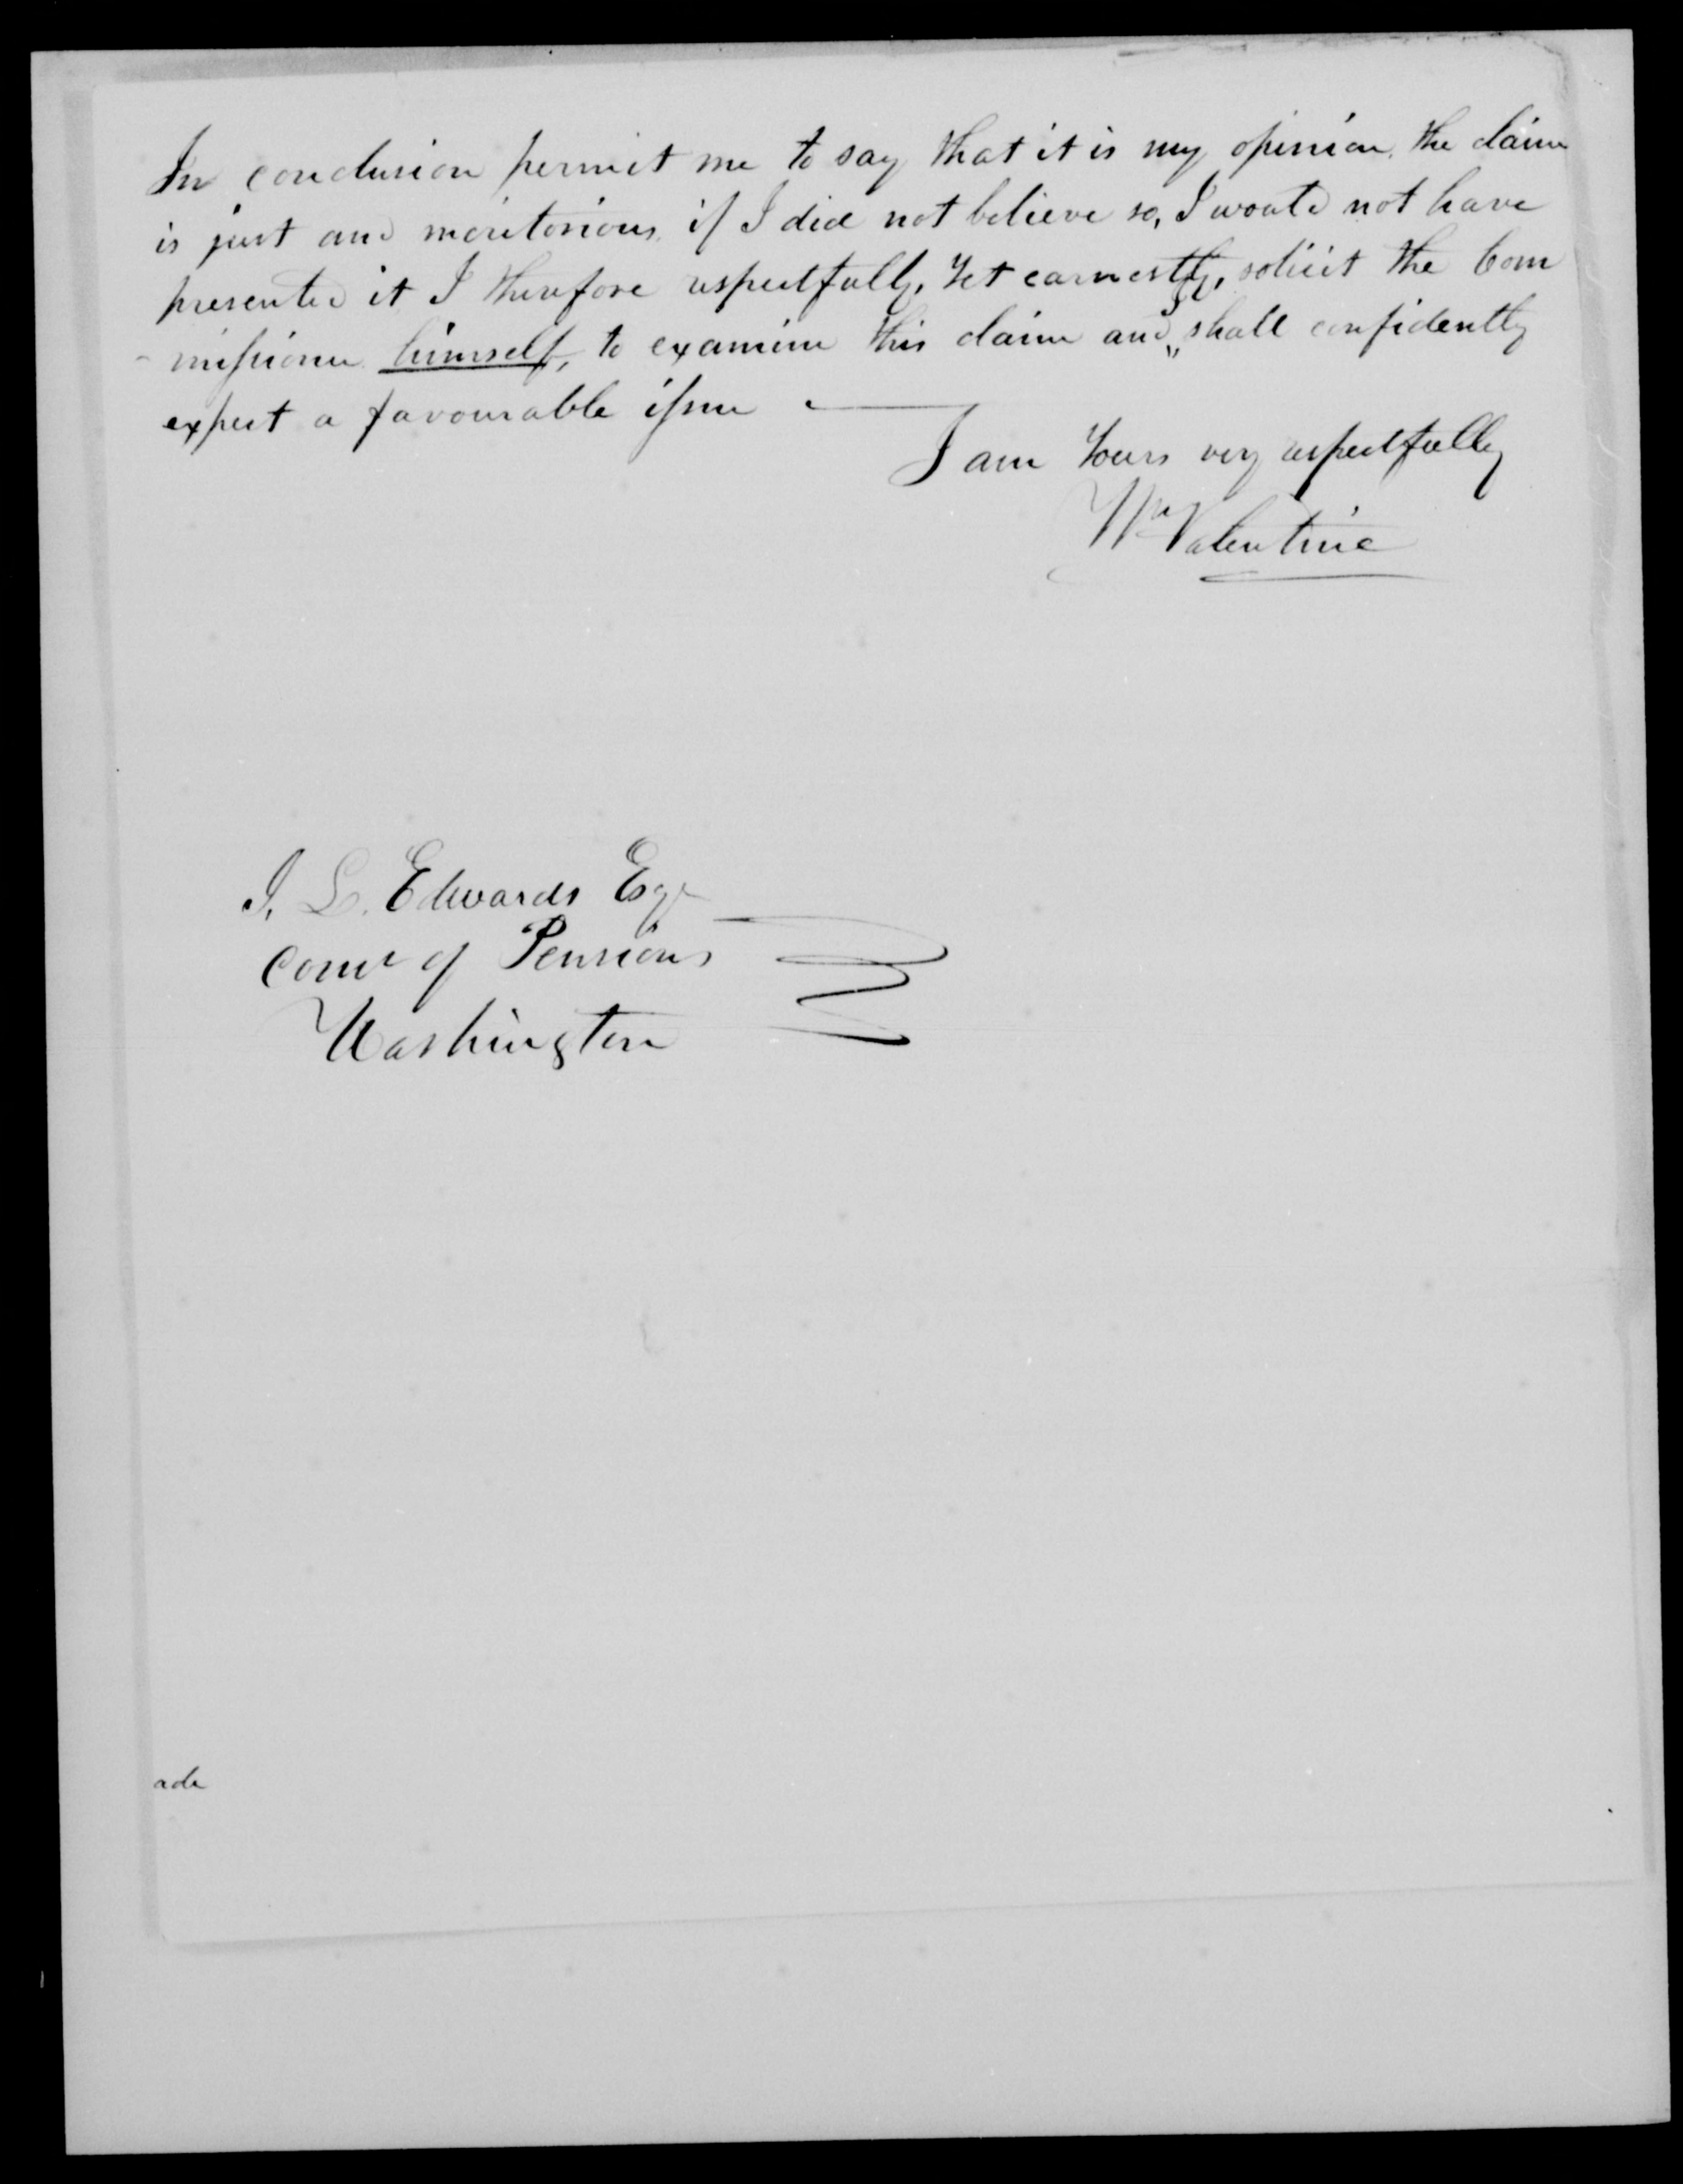In conclusion permit me to say that it is my opinion the claim is just and meritorious if I did not believe so, I would not have presented it. I therefore respectfully, yet earnestly, solicit the Commissioner himself, to examine this claim and I shall confidently expect a favurable issue.
I am Yours very respectfully, Wm Valentine

J.L. Edwards Esq
Comm of Pensions
Washington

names: Wm Valentine; J L Edwards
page: 44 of 77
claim: survivor's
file: S. 23003, for Silas Southerland, New York